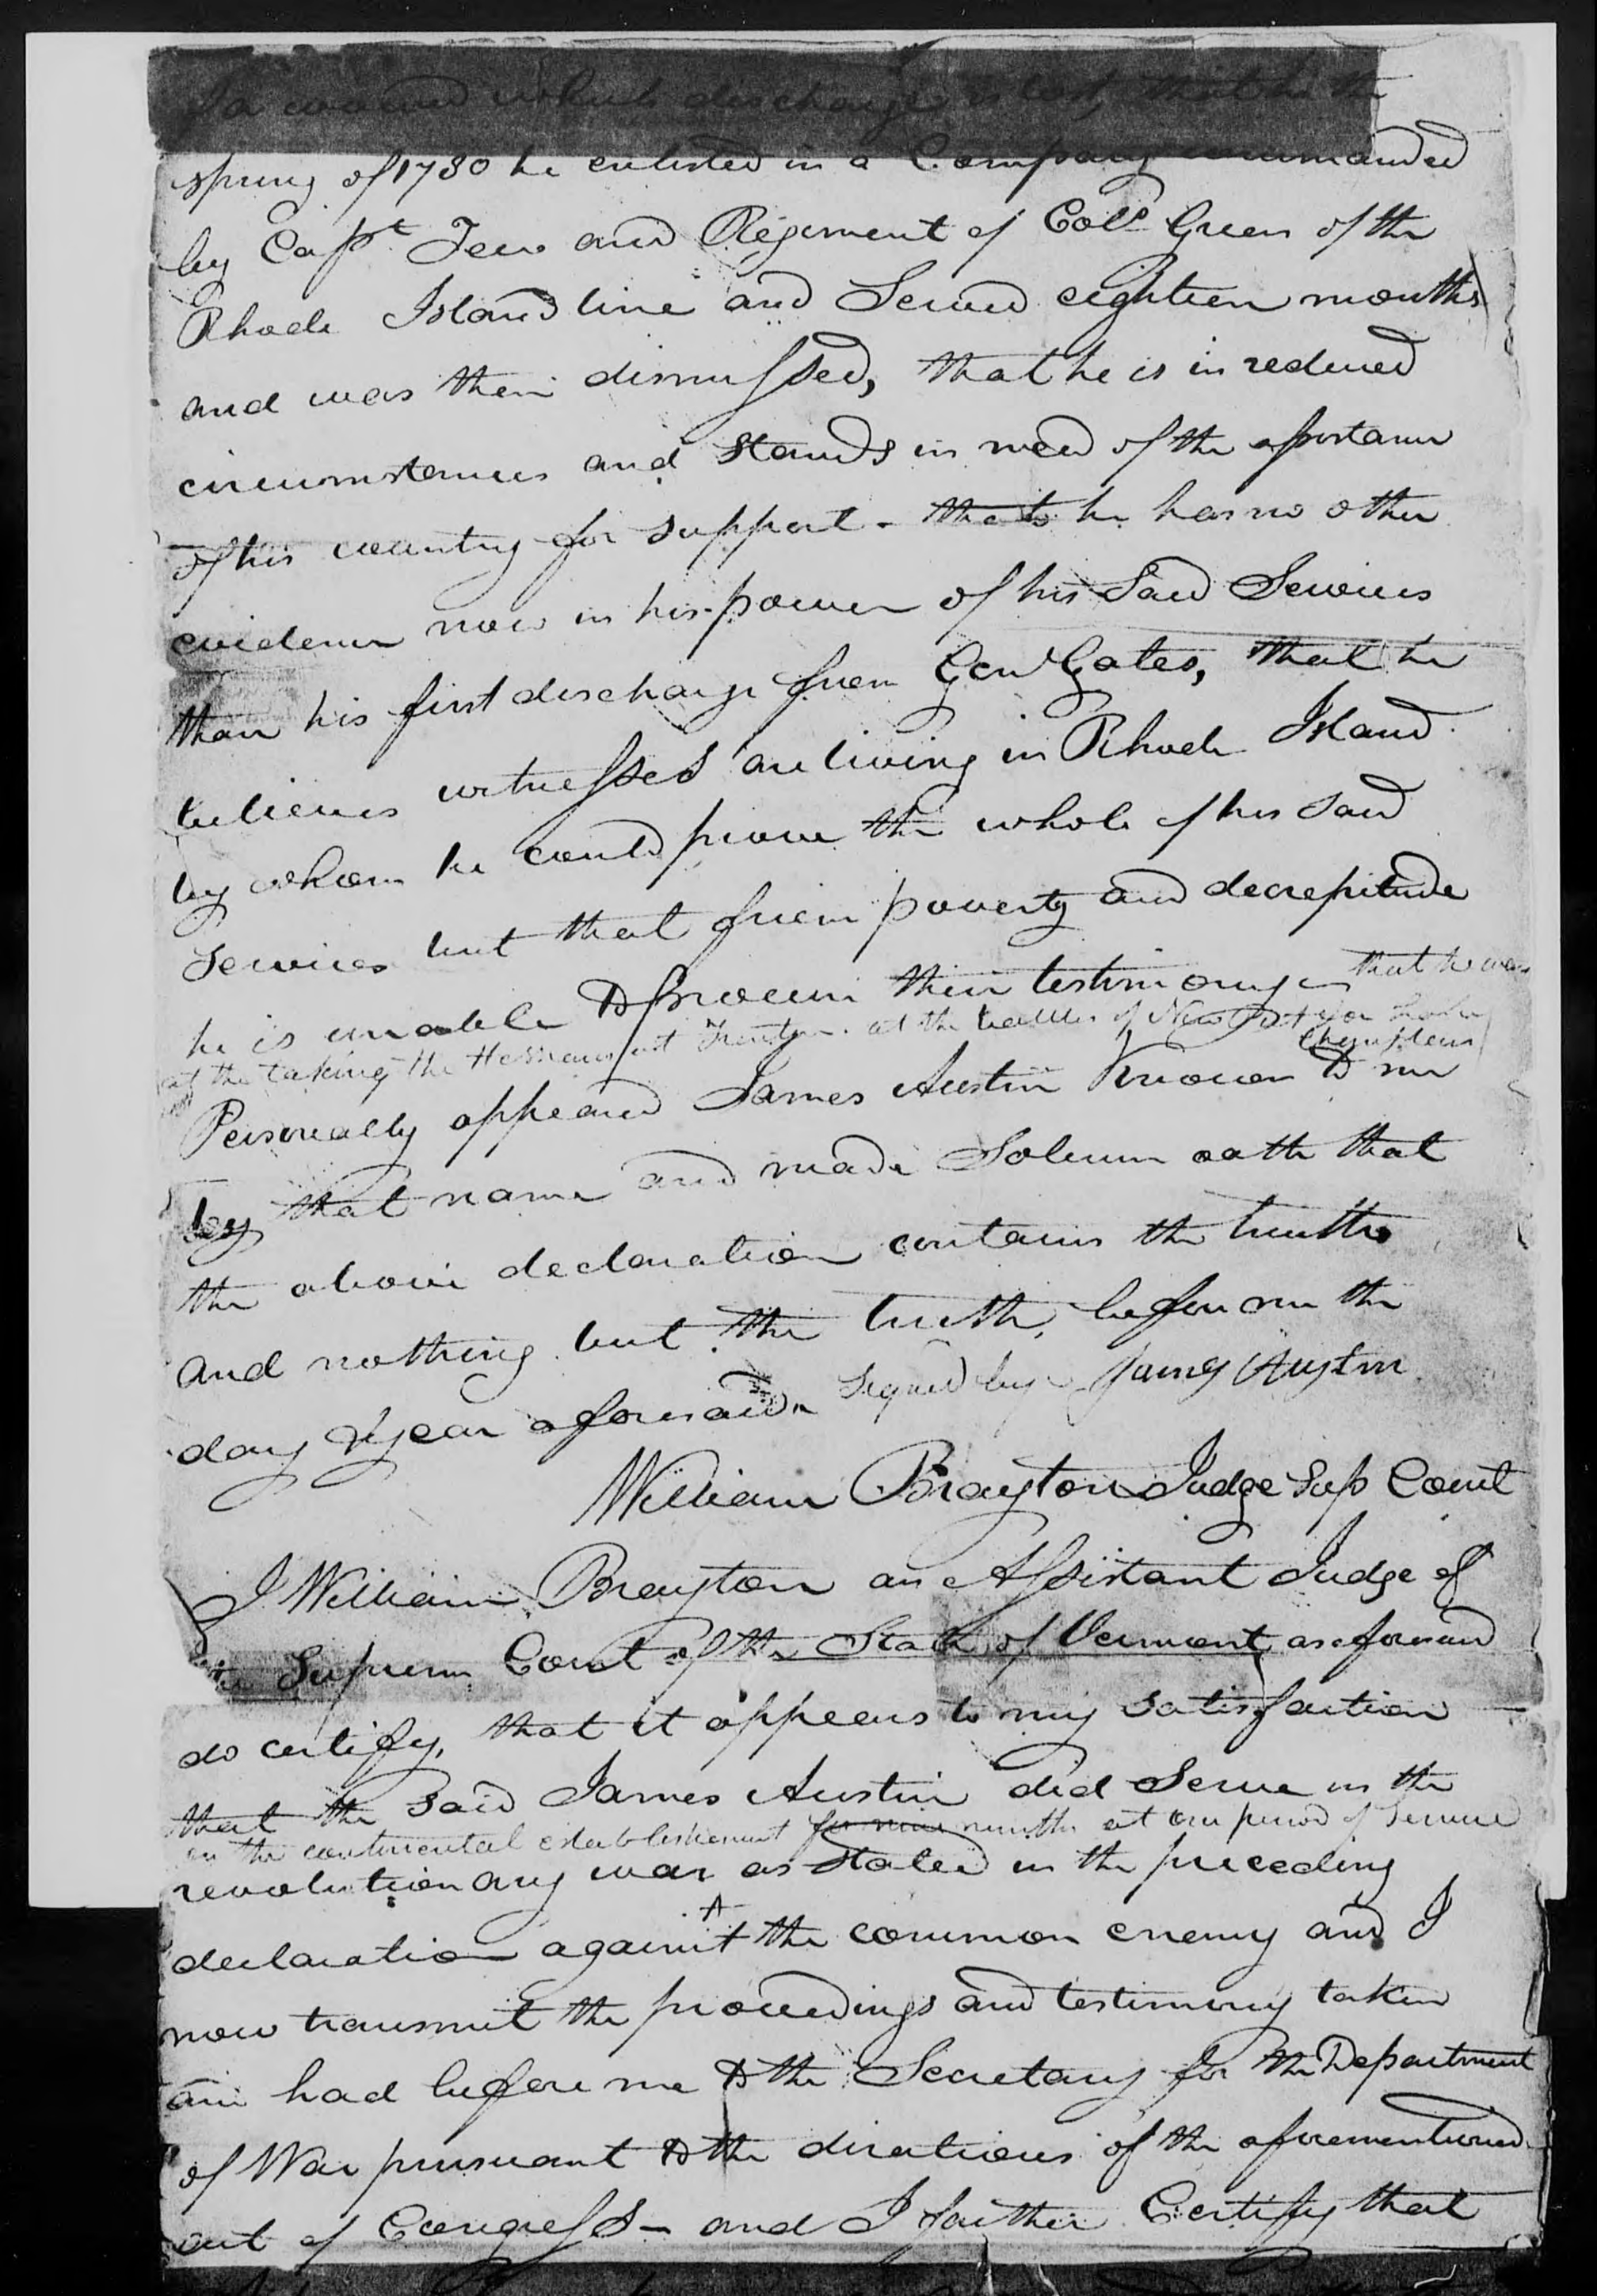[illegible] which discharge [illegible], that in the 
spring of 1780 he enlisted in a Company commanded by Capt Tew and Regiment of Col Green of the Rhode Island line and served eighteen months and was then dismissed, that he is in reduced circumstances and stands in need of the apertance his of his country for support. that he has no other Evidence now in her power of his said Services than his first discharge from Gen Gates, that he believes witnesses are living in Rhode Island by whom he could prove the whole of his said Services but that given poverty and decrepitude that he was he is unable to prove their testimony [illegible] Personally appeared James Austin Known by that name made solemn oath that the above the declaration contains the truth and nothing but the truth before me the day & year aforesaid 
Signed by James Austin
William Brayton Judge Sup Court
I William Brayton an Assistant Judge of the
Supreme Court of the State of Vermont aforesaid
do certify,that it appears to my satisfaction
that the said James Austin did serve in the in the continental establishment nine months, at one period of Service revolutionary war as stated in the preceding declaration against the common enemy and I now transmit the proceedings and testimony taken and had before me & the Secretary for the Department of War pursuant to the directions of the aforementioned act of Congress and I further Certify that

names: William Brayton, James Austin, James Austin, William Brayton, James Austin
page: 46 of 100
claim: survivor's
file: S 19186, James Austin, Conn. New York R.I.